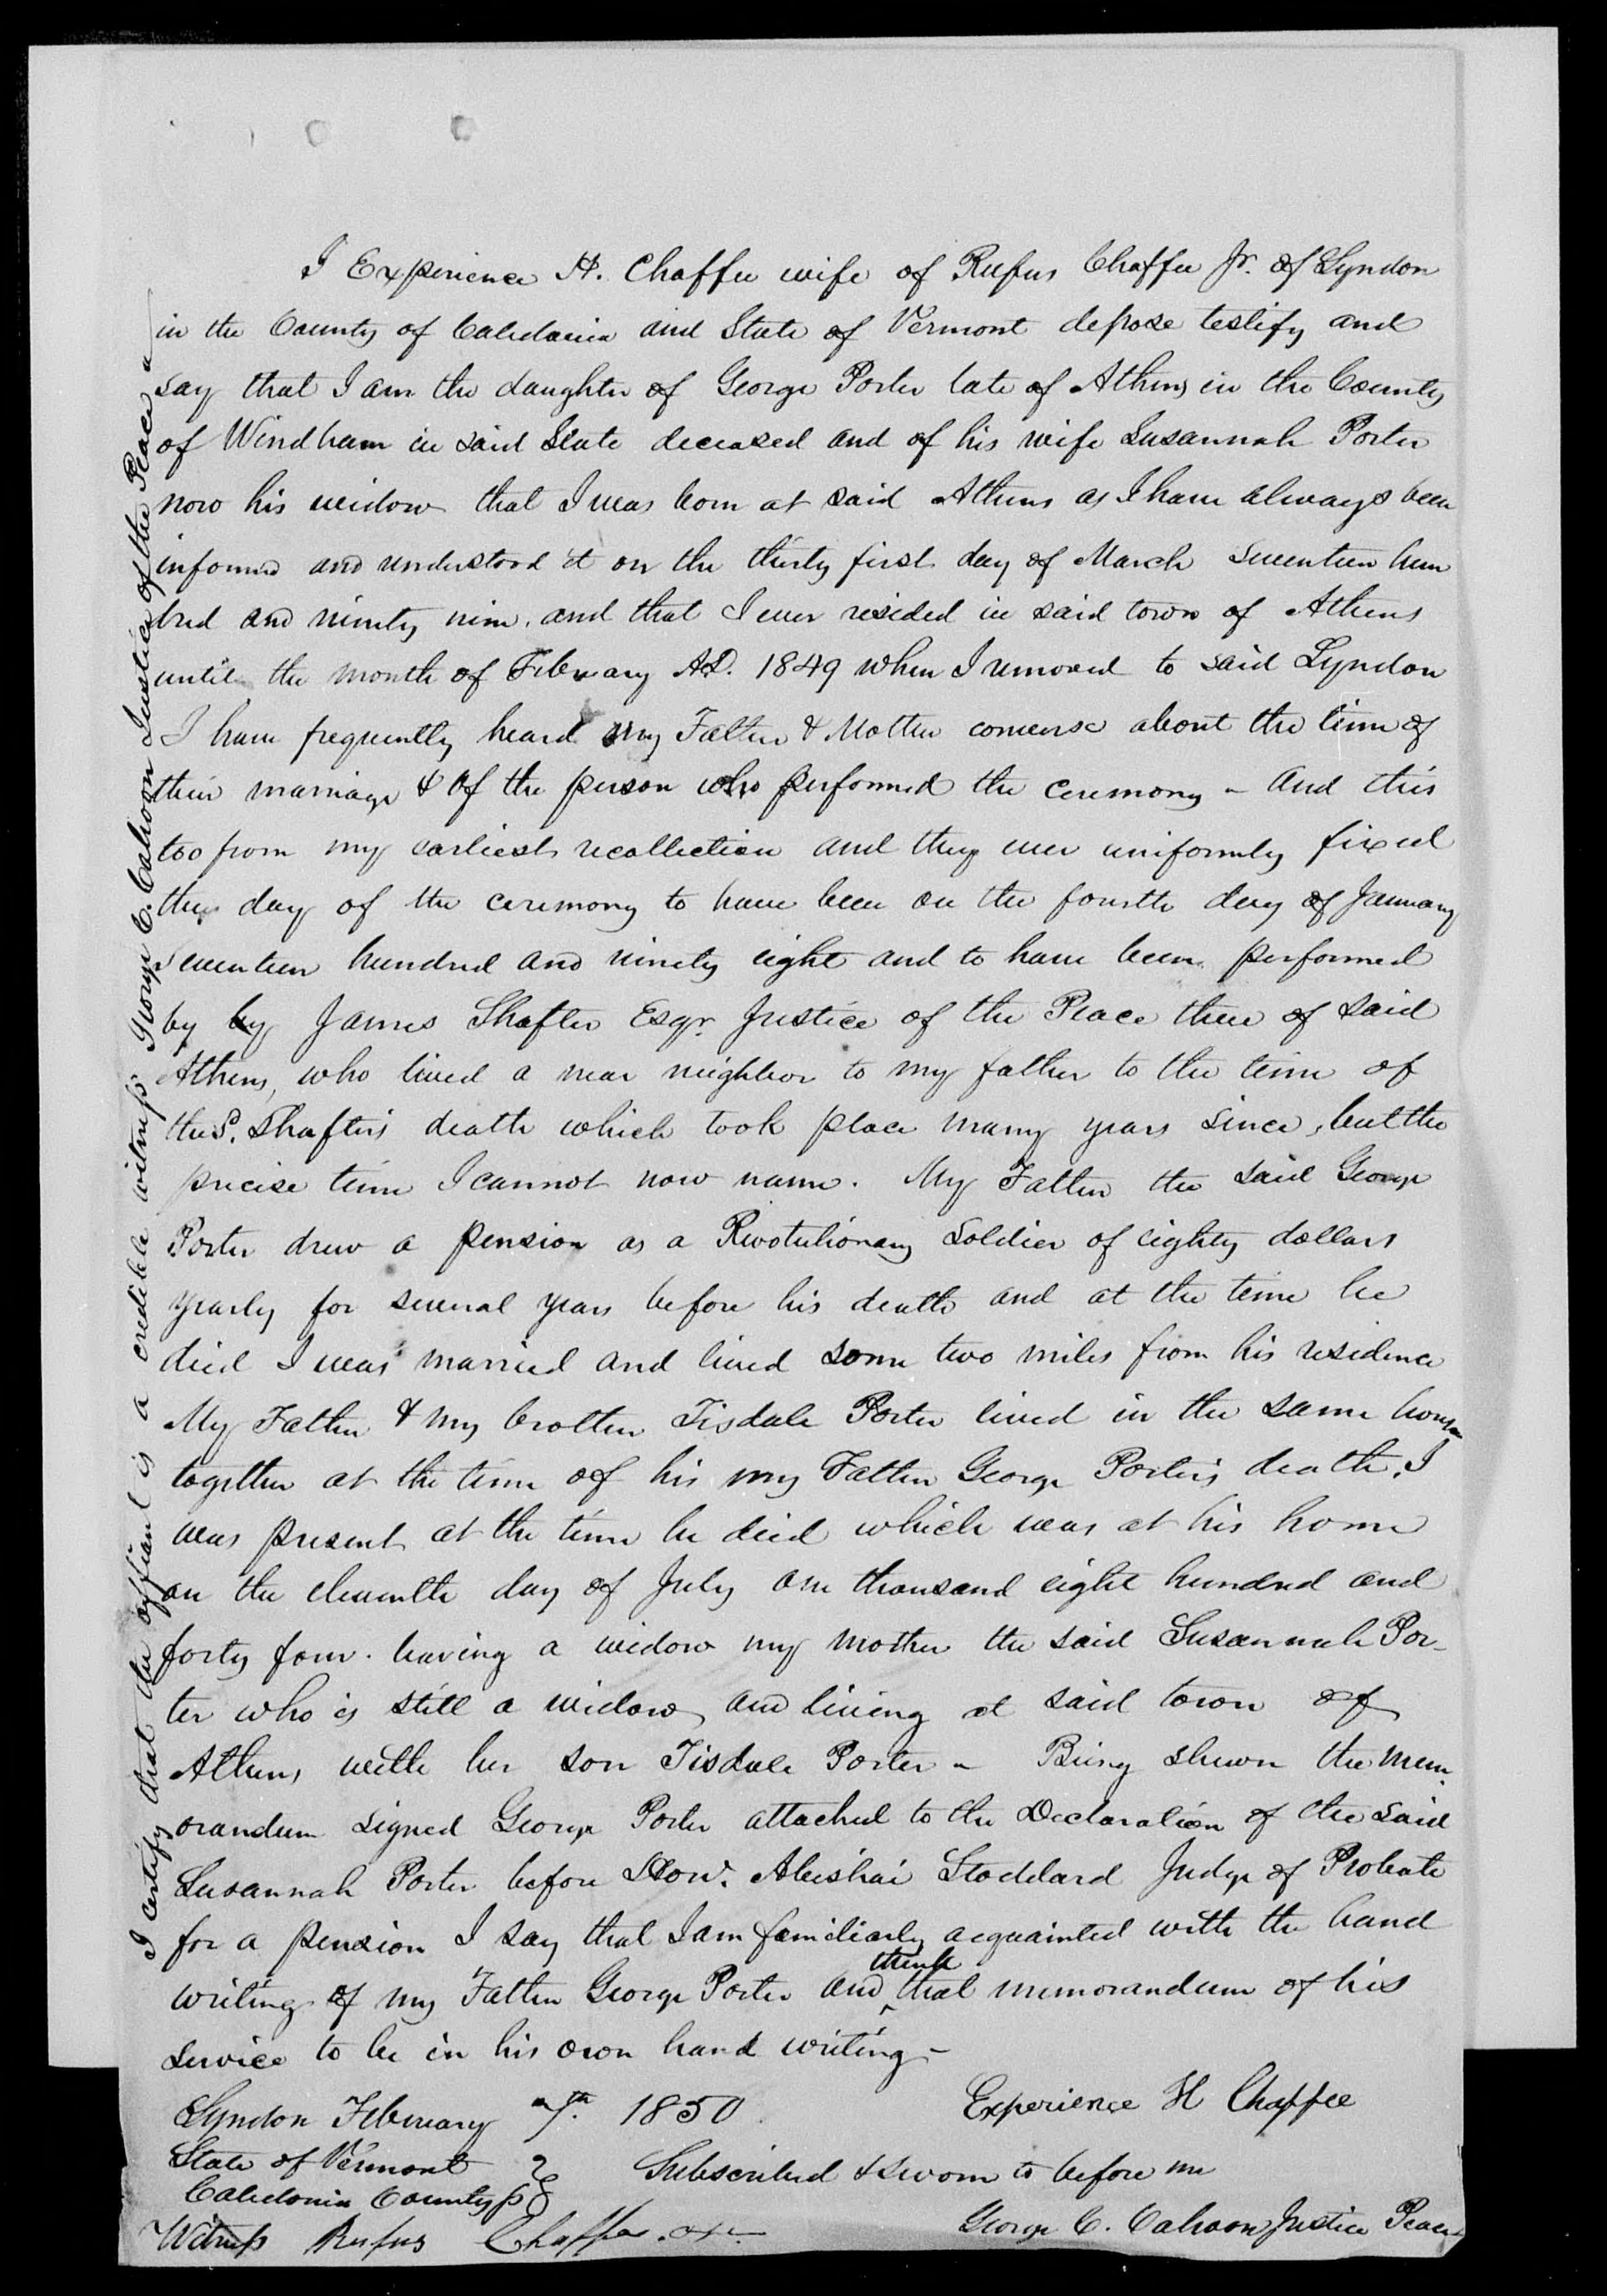I Experience H. Chaffee wife of Rufus Chaffee Jr of Lyndon in the County of Caledonia and State of Vermont depose testify and say that I am the daughter of George Porter late of Athens in the County of Windham in said State deceased and of his wife Susannah Porter now his widow that I was born at said Athens as I have always been informed and understood it on the thirty first day of March Seventeen hundred and ninety nine, and that I ever resided in said town of Athens until the month of February A.D. 1849 when I removed to said Lyndon I have frequently heard my Father & Mother converse about the time of their marriage & of the person who performed the ceremony - And this to from my earliest recollection and they ever uniformly fixed the day of the ceremony to have been on the fourth day of January Seventeen hundred and ninety eight and to have been performed by [crossed out: by] James Shafter Esqr. Justice of the Peace there of said Athens, who lived a near neighbor to my father to the time of the sd. Shafters death which took place many years since, but the
precise time I cannot now name. My Father the said George Porter drew a pension as a Revolutionary soldier of eighty dollars yearly for several years before his death and at the time he died I was married and lived some two miles from his residence My Father & my brother Tisdale Porter lived in the same house together at the time of his my Father George Porter's death. I was present at the time he died which was at his home on the eleventh day of July one thousand eight hundred and forty four, leaving a widow my Mother the said Susannah Porter who is still a widow and living at said town of
Athen, with her son Tisdale Porter. Being shown the memorandum Signed George Porter attached to the Declaration of the said Susannah Porter before Hon Abishai Stoddard Judge of Probate for a pension I say that I am familiarly acquainted with the hand writing of my Father George Porter and think that memorandum of his service to be in his own hand writing.
London February 7th. 1850
Experience H Chaffee

State of Vermont
Caledonia County
Witness Rufus
Chaffee
Subscribed & sworn to before me
George C. Cahoon Justice Peace
Witness Rufus Chaffee +

I certify that the affiant is a credible witness
George C. Cahoon Justice of the Peace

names: Rufus Chaffee; Abishai Stoddard; James Shafter; Tisdale Porter; Susannah Porter; George C Cahoon; Experience H Chaffee; George Porter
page: 20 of 49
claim: widow's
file: W. 2164, for George Porter, Massachusetts